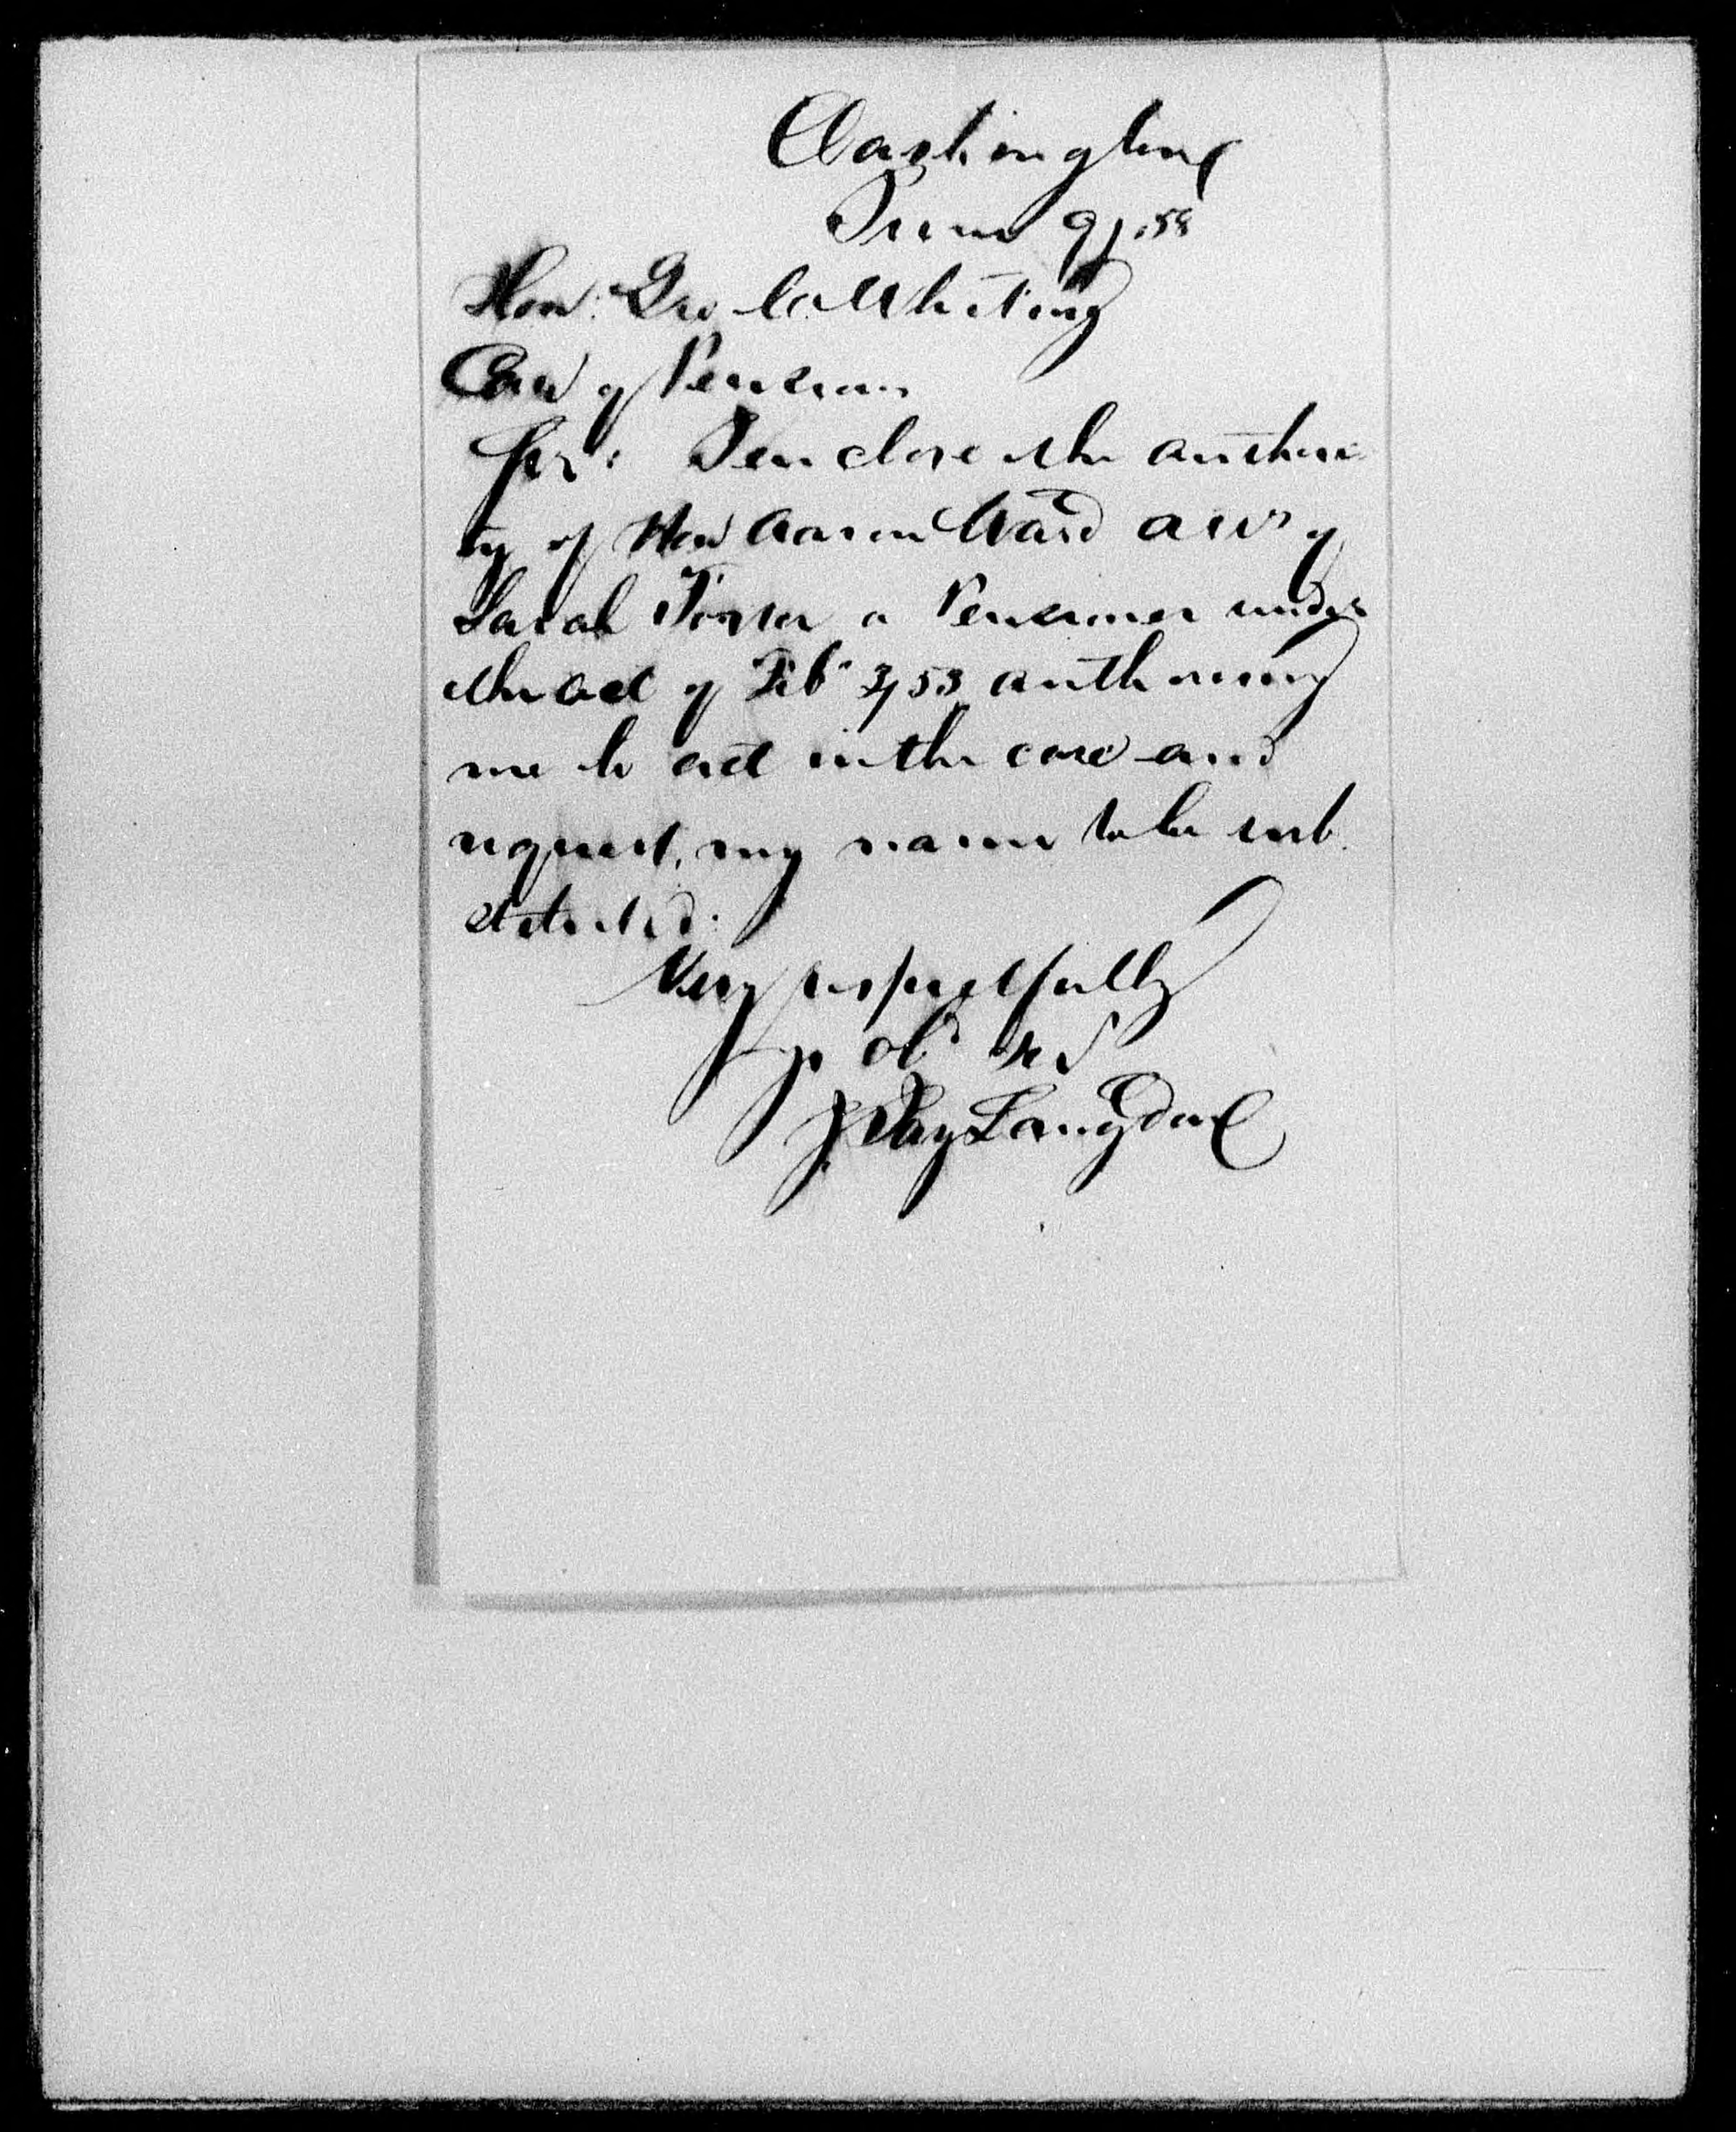Washington

June 9, '58

Hon. Geo. C. Whiting
Com of Pensions
Sir: I enclose the authority of Hon. Aaron Ward att. of Sarah Foster a Pensioner under the act of Feb 7 53 authorizing me to act in the case and request my name to be ??
Very respectfully
your ob service. 
J. Jay Langdon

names: Aaron Ward, Sarah Foster, J Jay Langdon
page: 38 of 57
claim: widow's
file: W. 5275 1/2, Michael Foster, Penn.